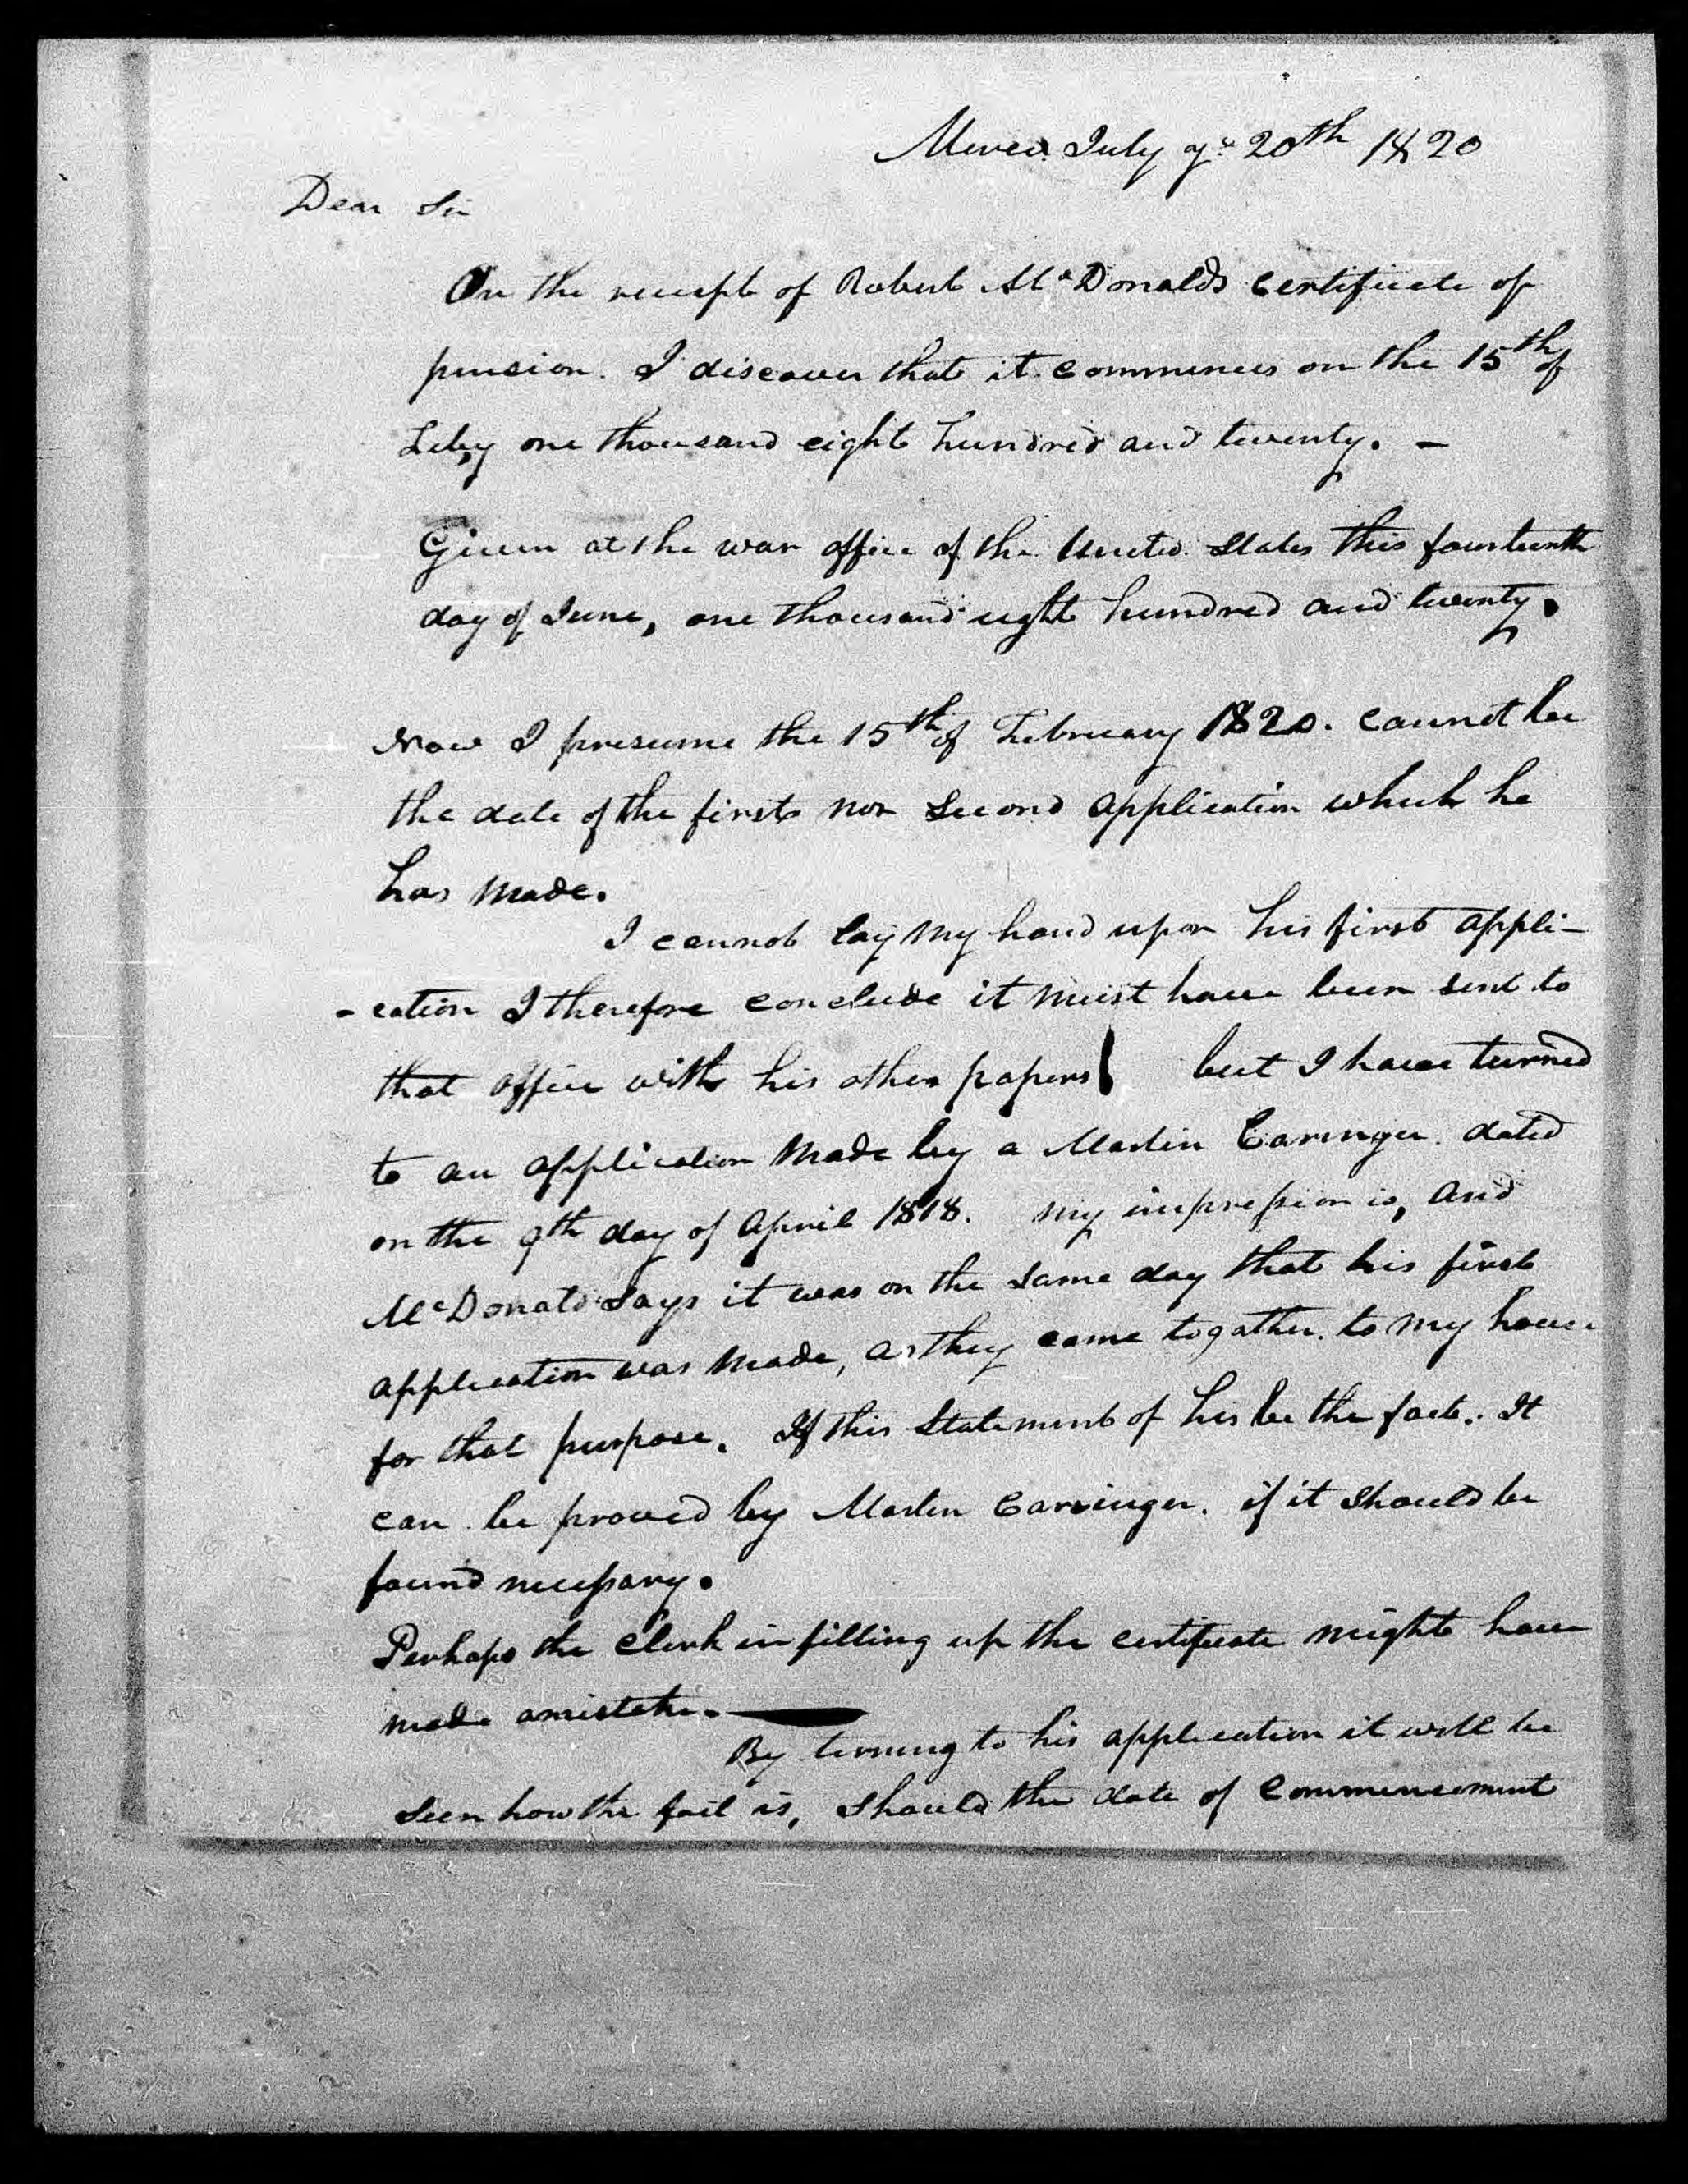Mercer July of 20th 1820
Dear Sir
On the receipt of Robert McDonald certificate of Pension. I discover that it commences on the 15th of July one thousand eight hundred and twenty. 
Given at the war office of the United States this fourteenth day of June, one thousand eight hundred and twenty.
Now I presumes the 15th day of February 1820 cannot be the date of the first nor second application which he has made. 
I cannot lay my hand upon his first application I therefore conclude it must have been sent to that Office with his other papers. but I have turned to an application made by a Martin Caringer dated on the 9th day of April 1818. My impression is, And McDonald says it was on the same day that his first application was made, as they came together to my house for that purpose. If this statement of his be the facts. It can be proved by Martin Caringer if it should be found necessary.
Perhaps the Clerk in filling up the certificate might have made a mistake.
By turning to his application it will be seen how the fact is, Should the date of Commencement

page: 5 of 59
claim: widow's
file: W 3703, for Robert Mc Donald, Pennsylvania